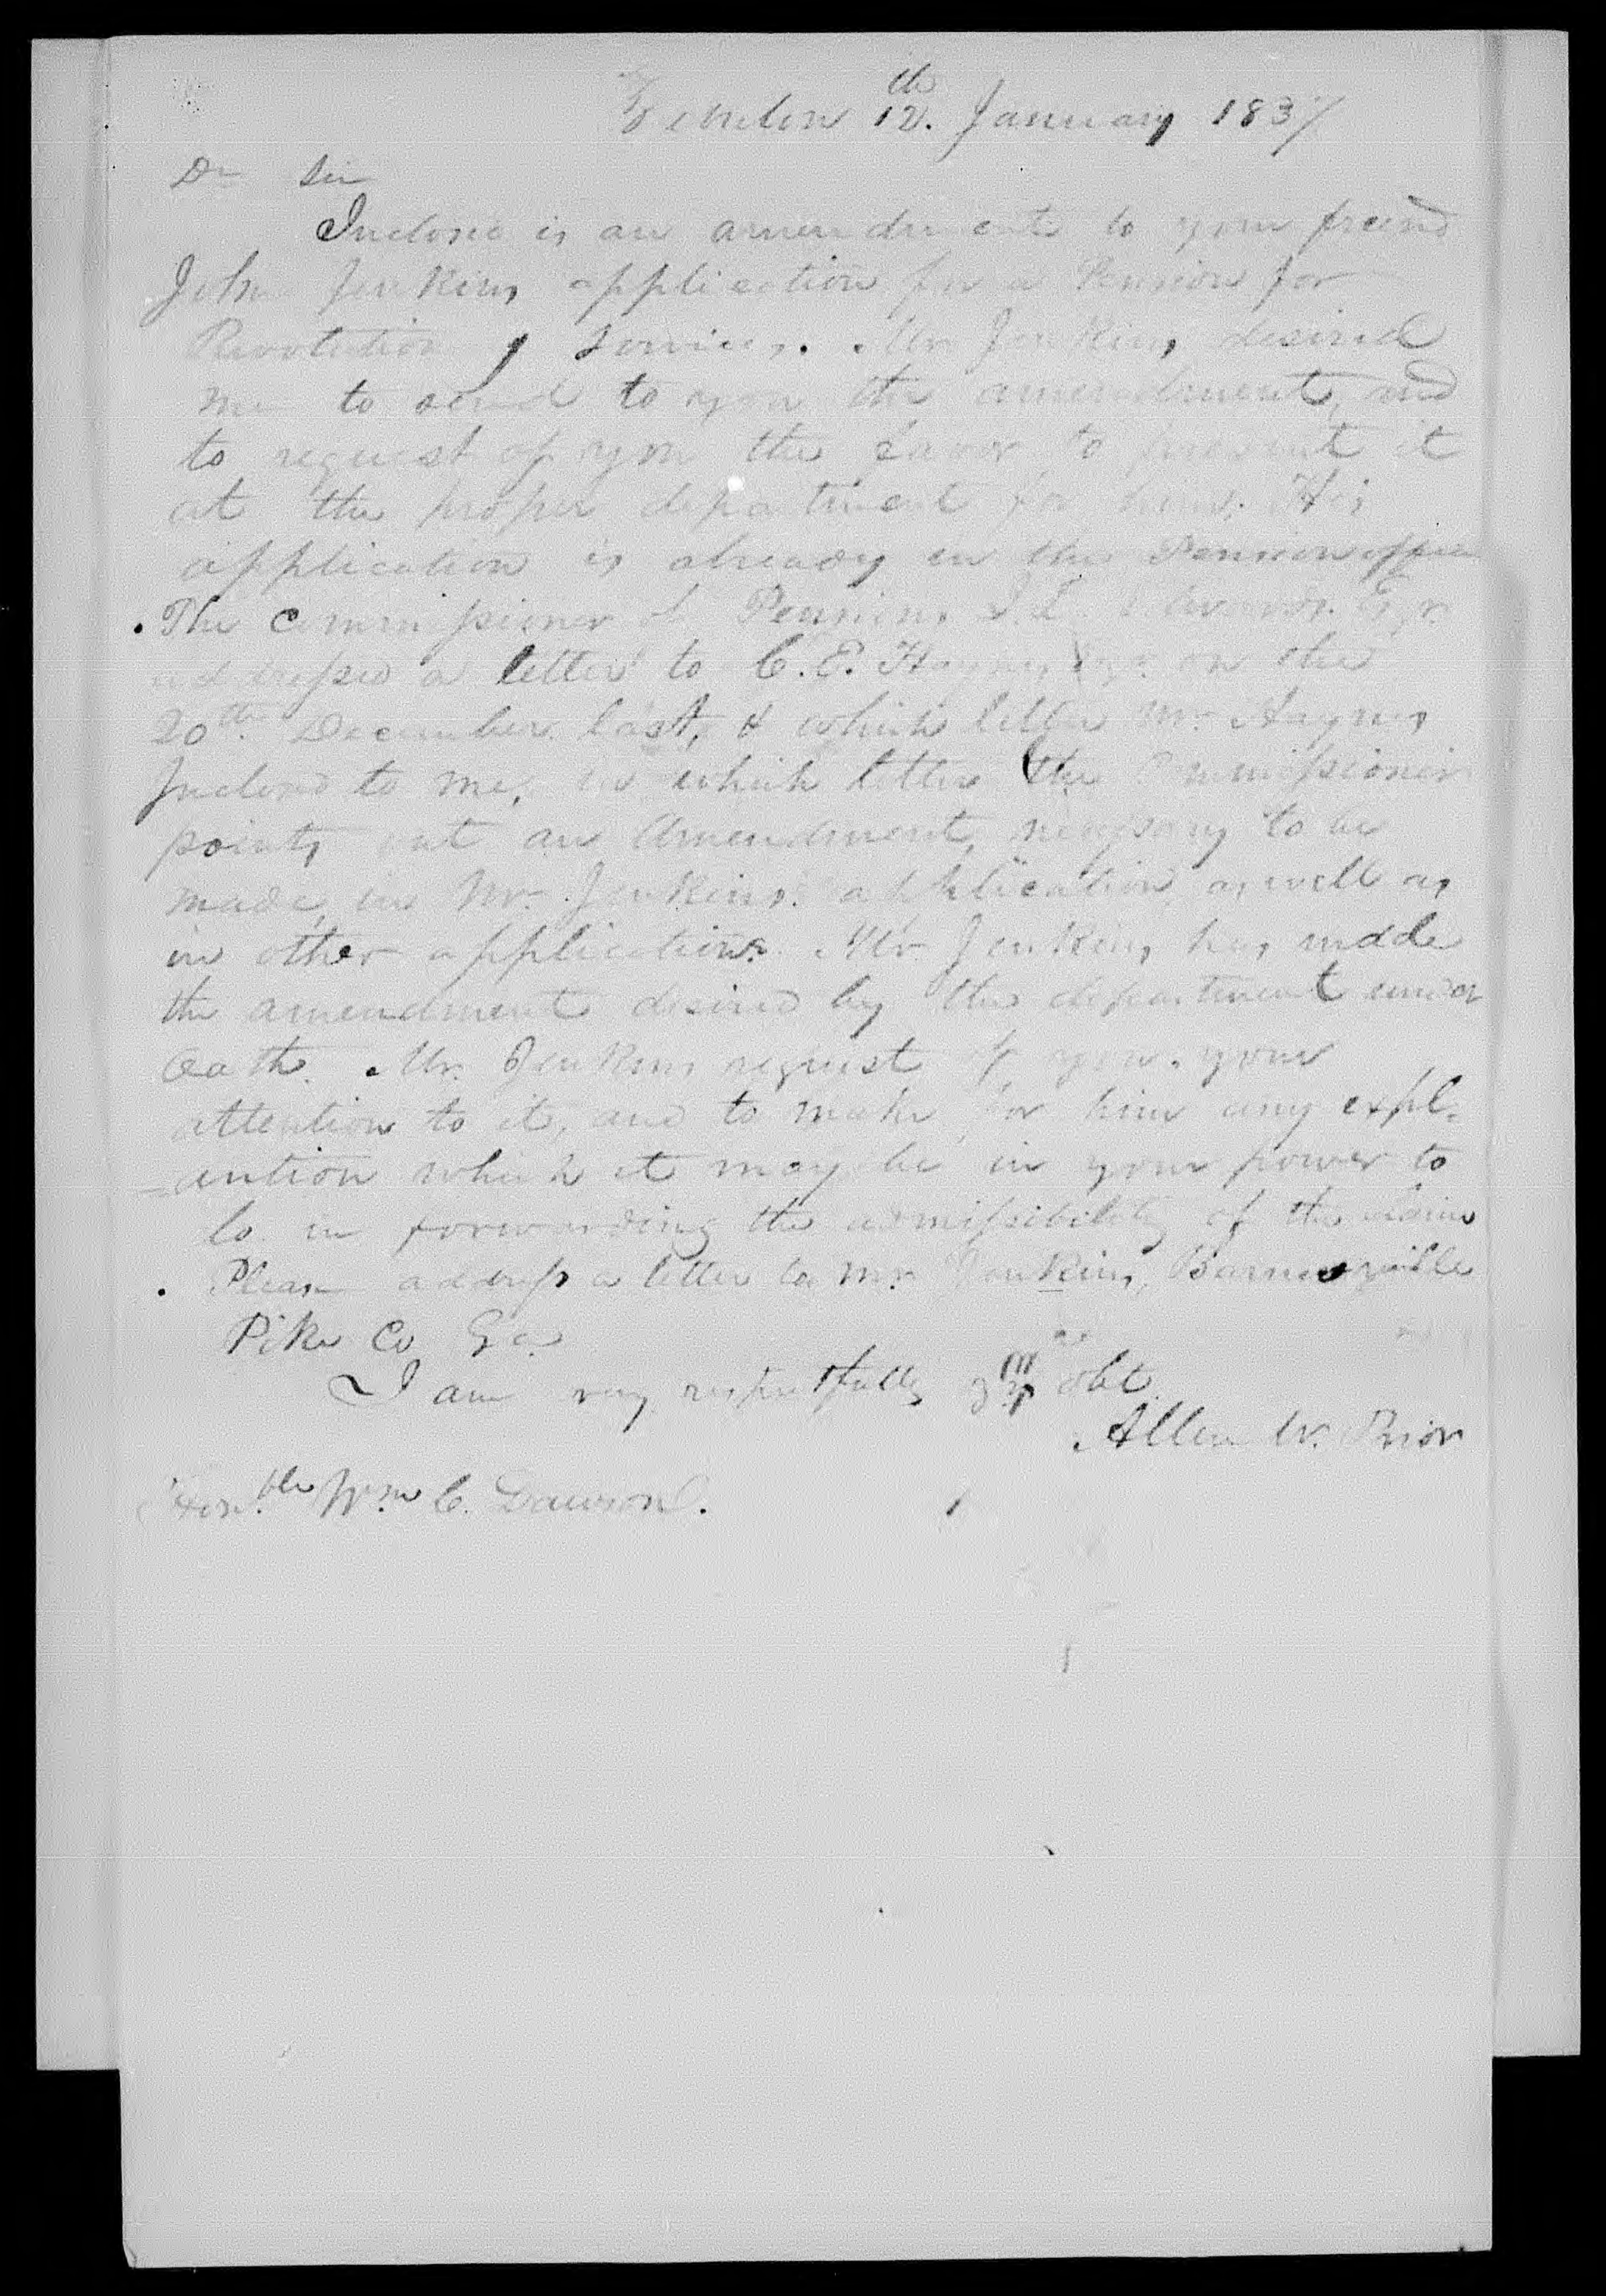Zebulon 12th January 1837
Dr [Dear] Sir
Inclose [Enclose] is an amendment to your friend John
Jenkins application for a Pension for
Revolutionary services. Mr Jenkins desired me
to send to you the amendment, and to request of you the favor to present it at the proper department for him. His application is already in the Pension office. The Commissioner of Pension J. L. Edwards Esq addressed a letter to C. E. Haynes Esq on the 20th December last, & which letter Mr Haynes Inclosed [enclosed] to me, in which letters the commissioner points out an Amendment, necessary to be
made in Mr Jenkins application as well as
in other applications. Mr. Jenkins has made
the amendment desired by this department under Oath. Mr. Jenkins request  of you your attention to it, and to make for him any explantion [explanation] which it may be in your power to do in forwarding the admissibility of the claims Please address a letter to Mr. Jenkins, Barnesville Pike Co Ga
I am very respectfully yr obt
Allen W. Prior
Hon.ble Wm C. Dawson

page: 44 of 55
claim: widow's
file: W. 7894, for John Jenkins, Virginia